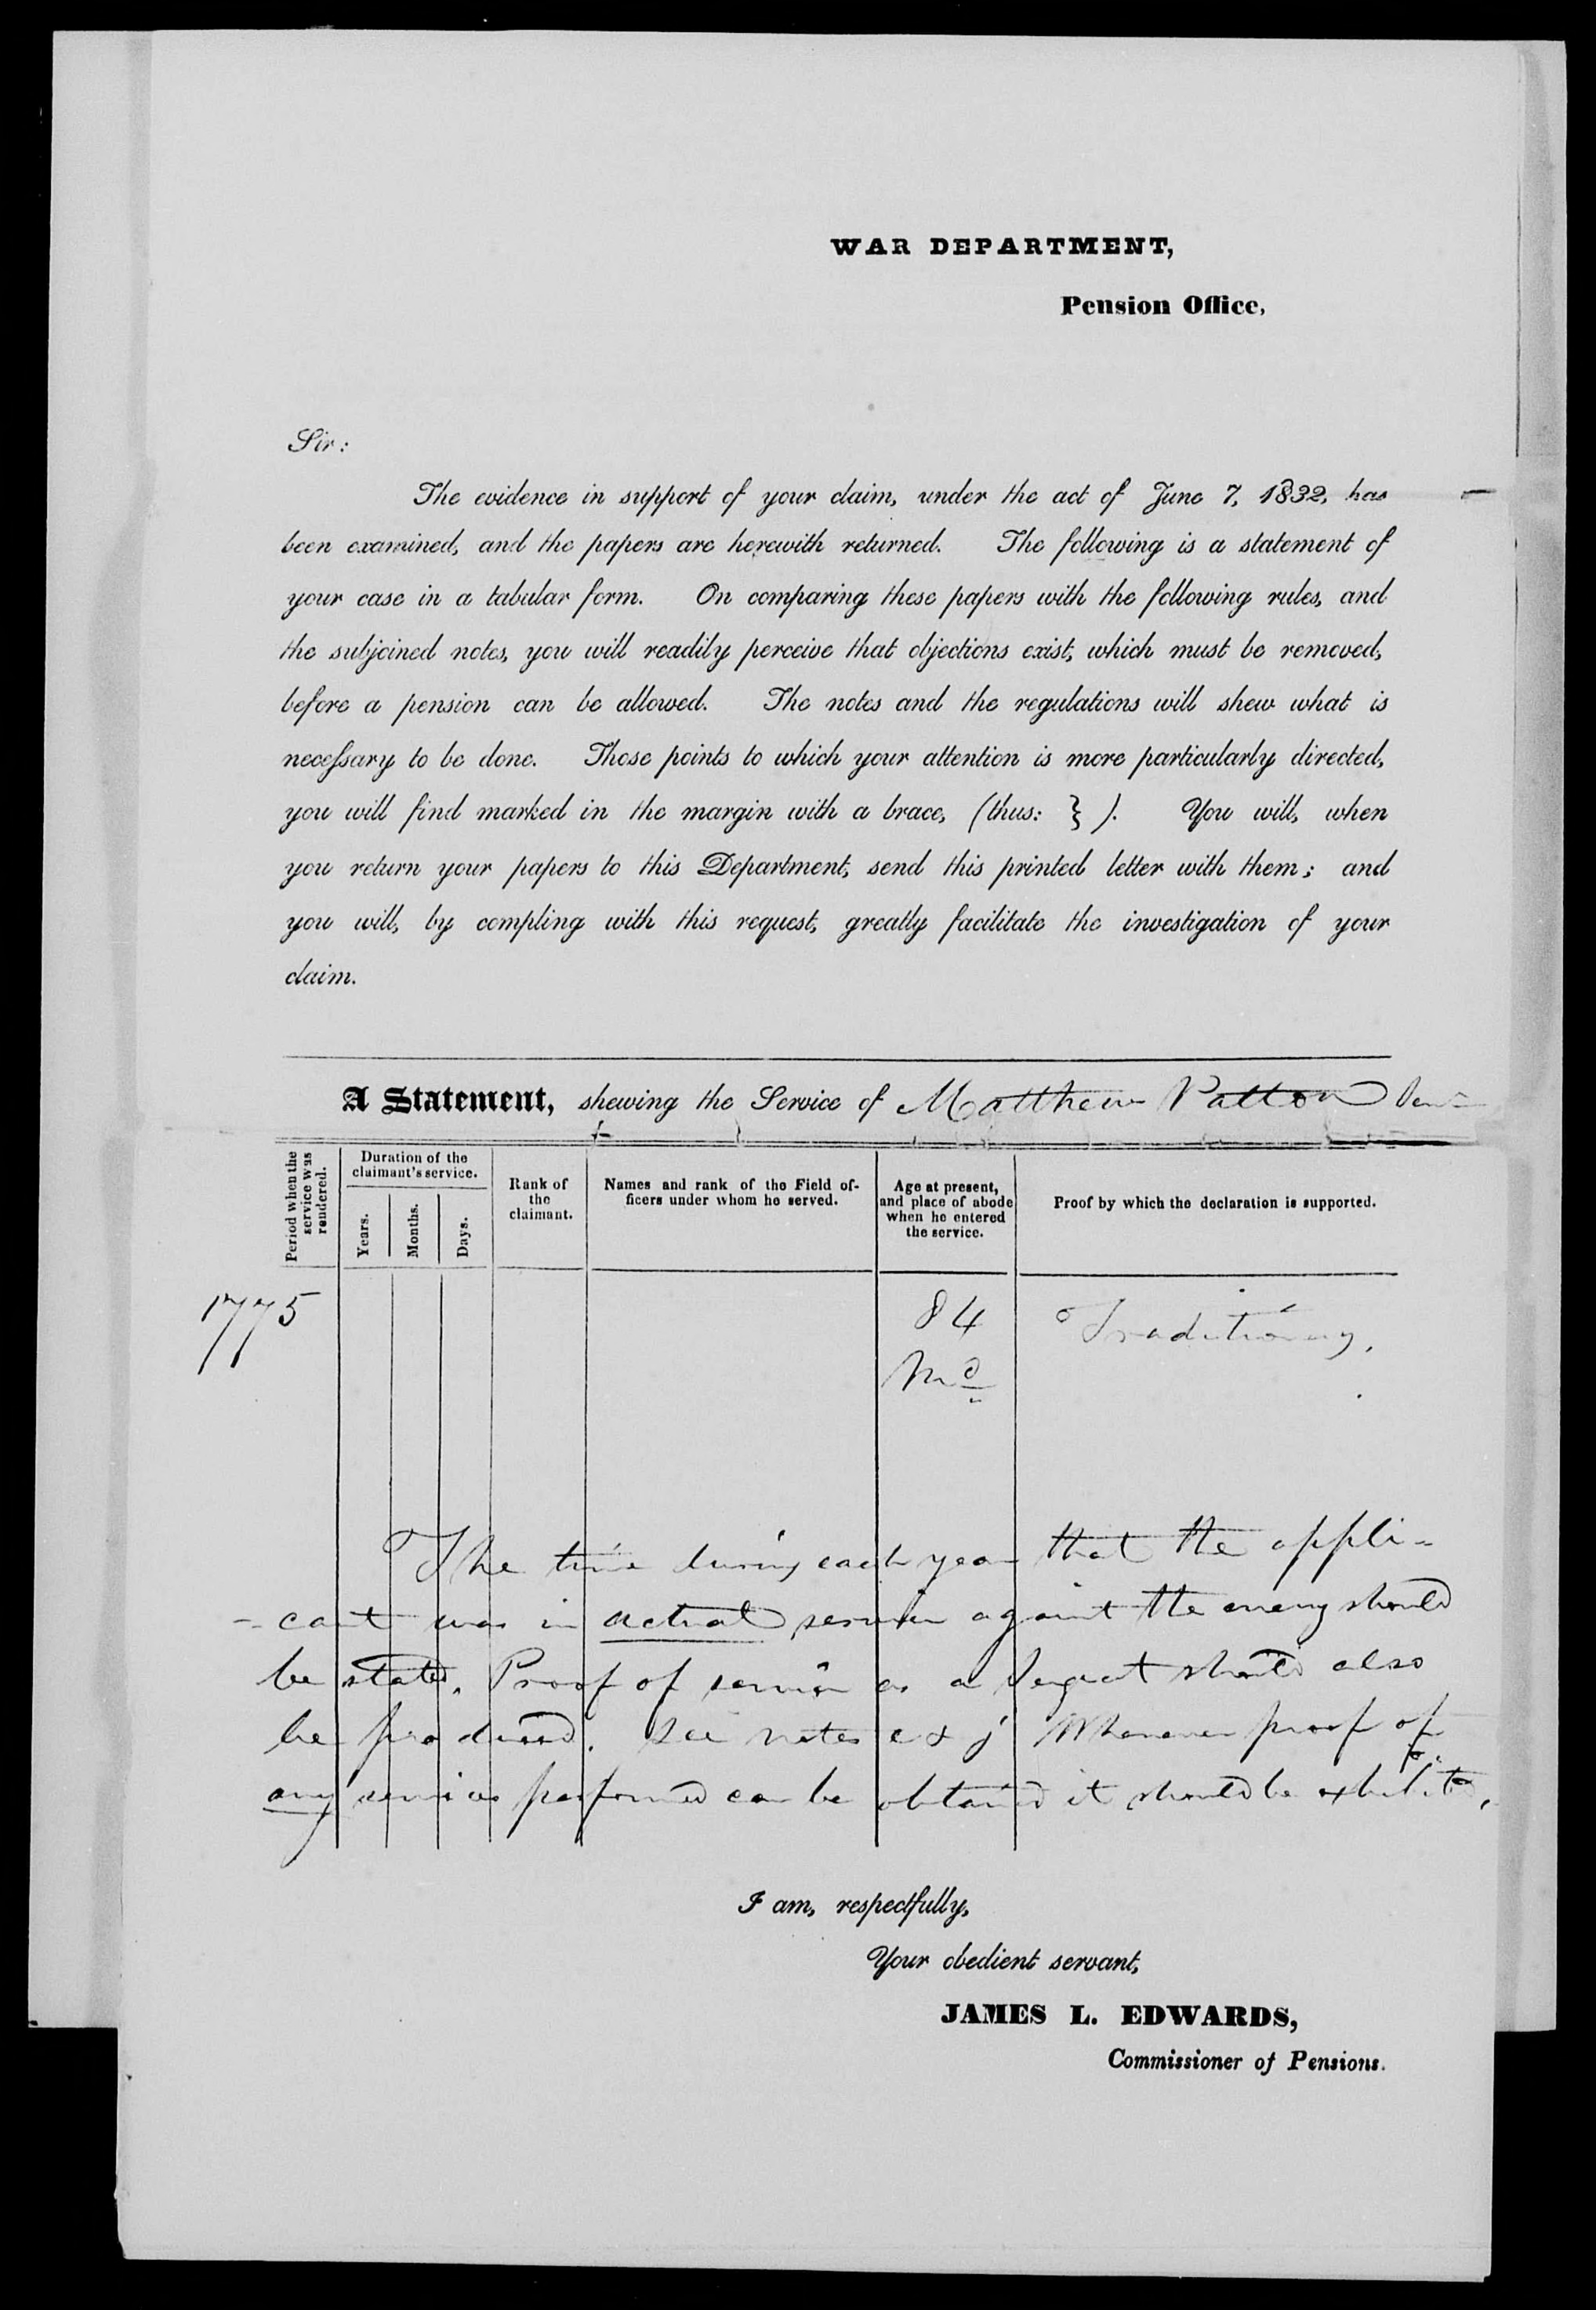WAR DEPARTMENT,
Pension Office,
Sir:
The evidence in support of your claim, under the act of June 7, 1832, has
been examined, and the papers are herewith returned. The following is a statement of
your case in a tabular form. On comparing these papers with the following rules, and
the subjoined notes, you will readily perceive that objections exist, which must be removed,
before a pension can be allowed. the notes and the regulations will shew what is
necessary to be done. Those points to which your attention is more particularly directed,
you will find marked in the margin with a brace, (thus: }). You will, when
you return your papers to this Department, send this printed letter with them; and
you will, by compling with this request, greatly facilitate the investigation of your
claim.

A Statement, showing the Service of Matthew Patton Senr
[Headings: Period when the service was rendered. Duration of the claimant's service. Rank of the claimant. Names and rank of the Field officers under whom he served. Age at present, and place of abode when he entered
the service. Proof by which the declaration is supported.]
1775.blank. blank. blank. 84 mo. Traditionary.

The time during each year that the applicant was in actual service against the enemy should be stated. Proof of service as a Sargent should also be produced. See notes ex of whenever proof of any service performed can be obtained it should be exhibited
 
I am, respectfully,
Your obedient servant,
JAMES L. EDWARDS,
Commissioner of Pensions.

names: Matthew Patton; James L Edwards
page: 4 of 45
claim: survivor's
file: S. 31294, for Matthew Patton, Maryland